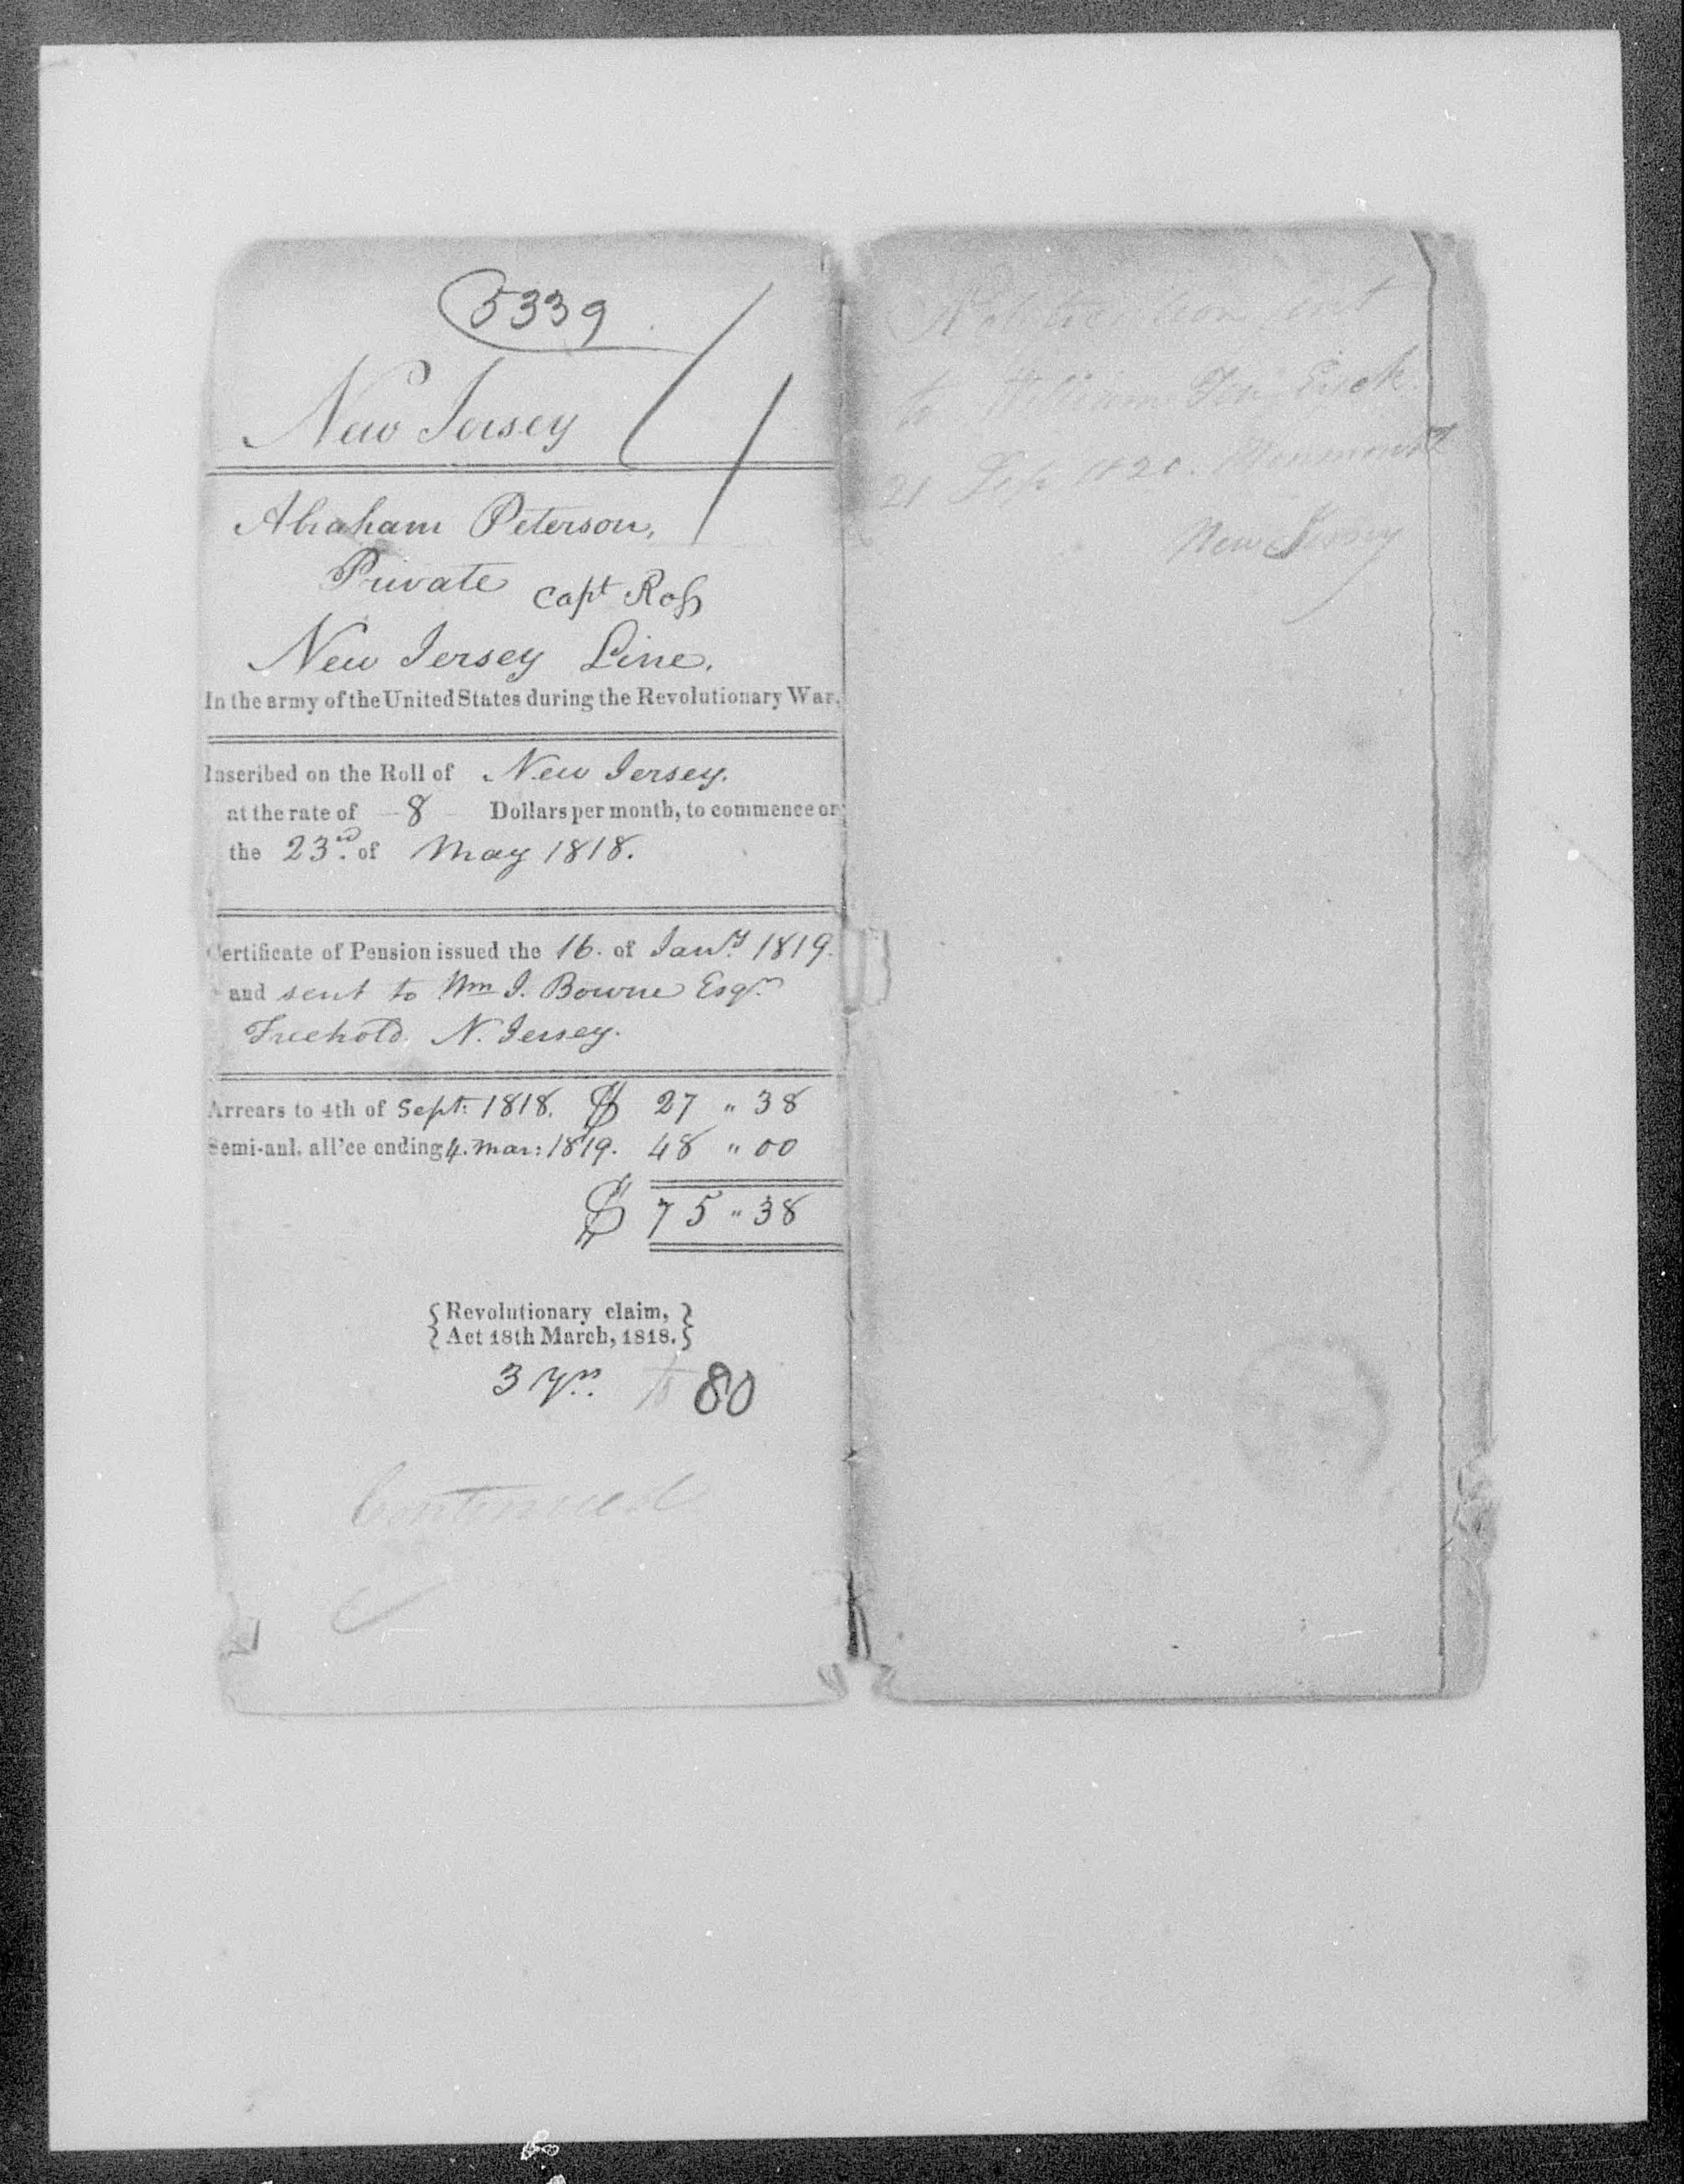5339
New Jersey
_________________________________________________________________
Abraham Peterson,
  Private Capt Ross
New Jersey Line,
In the army of the United States during the Revolutionary War.
_________________________________________________________________
Inscribed on the Roll of New Jersey
  at the rate of 8 Dollars per month, to commence on
  the 23rd of May 1818.
________________________________________________________________
Certificate of Pension issued the 16 of Jany 1819
and sent to Wm I. Bowne Esqr
Freehold   N. Jersey.
_______________________________________________________________
Arrears to 4th of Sept. 1818.              $27 " 38
Semi-anl, all'ce ending 4 Mar. 1819     48 " 00
                                                            ________
                                                             $75"38
Revolutionary claim,
Act 18th March, 1818.
 3 yrs 80

Continued

Notification [?]
to [?]
21 Sep 1820. Monument
New Jersey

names: Wm J Bowne; William Ten Eyck; Abraham Peterson; [BLANK] Ross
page: 2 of 12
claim: survivor's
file: S. 34,471, for Abraham Peterson, New Jersey